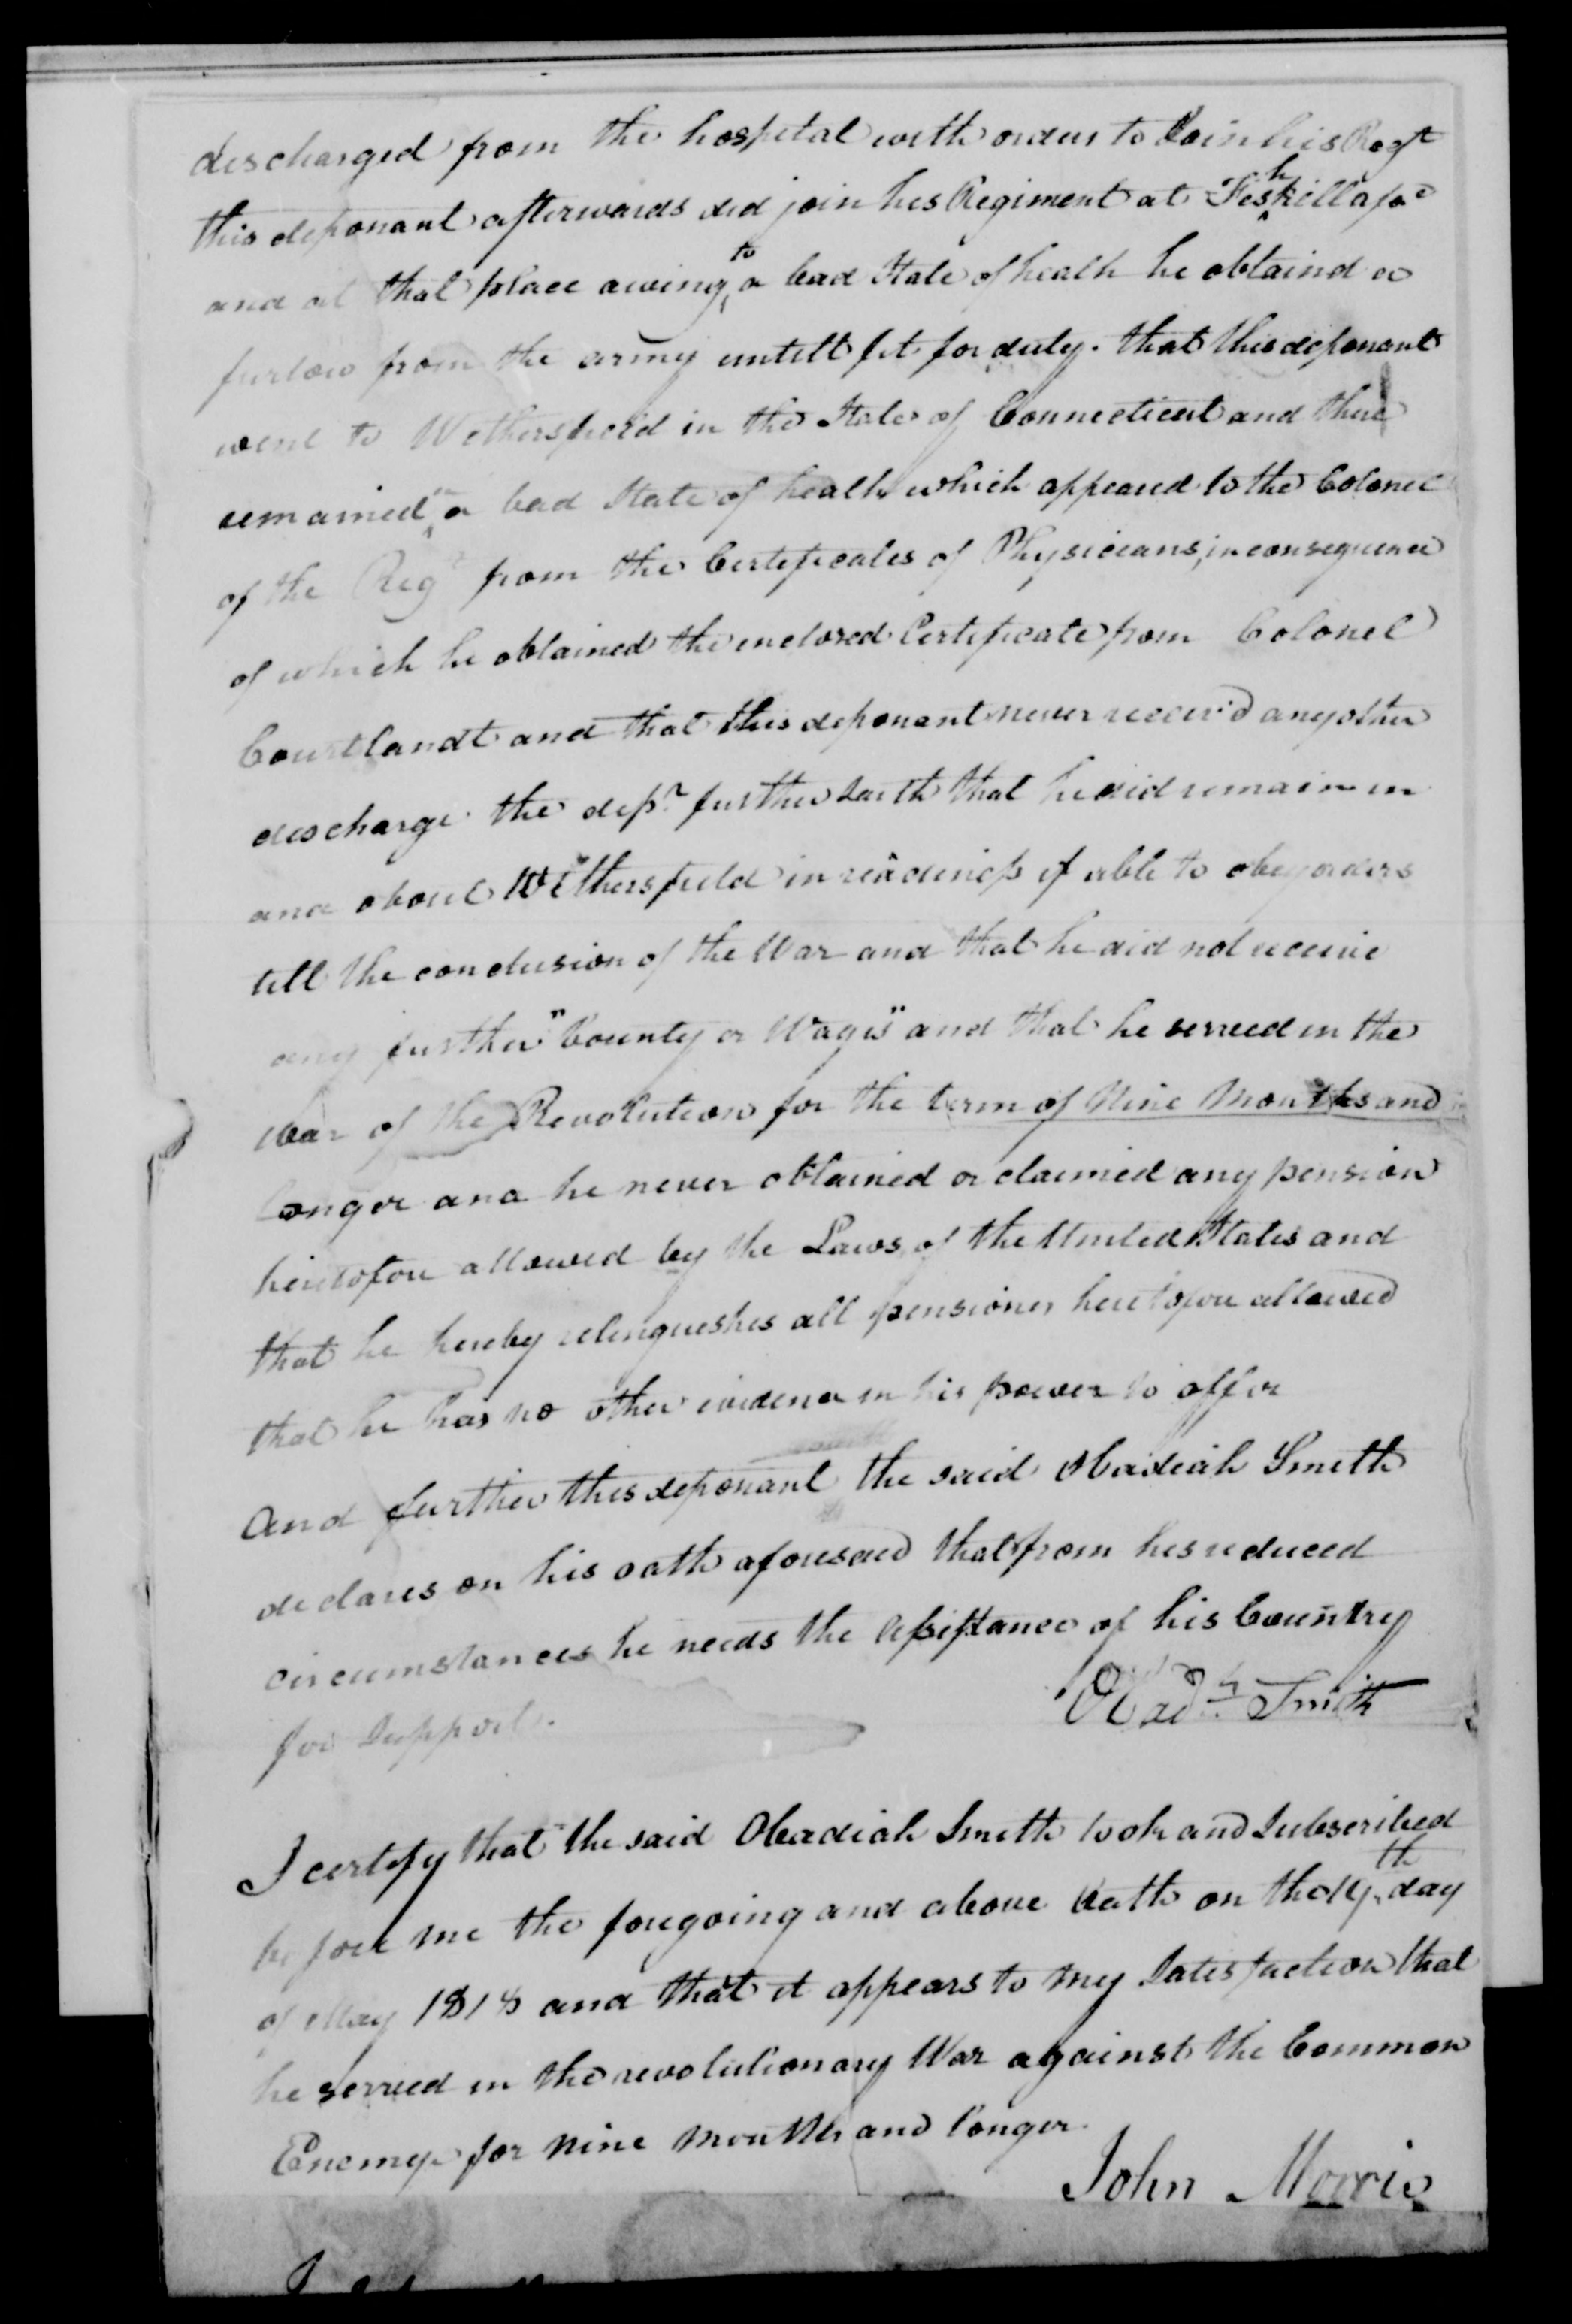discharged from the hospital with orders to his Regt this deponant [sic] afterwards did join his Regiment at Fishkill after j[??] and at that place owing to a bad State of health he obtained so furlow [furlough] from the army untill fit for duty. that this deponant went to Wethersfield in the State of Connecticut and there remained in a bad state of health which appeared to the Colonel of the Regt from the Certificates of Physicians, in consequence of which he obtained the enclosed Certificate from Colonel Courtlandt and that this deponent never received any other discharge the dept. further saith that he did remain in and about Wetherfield in readiness if able to obey orders till the conclusion of the War and that he did not receive any further "bounty or Wages" and that he served in the war of the Revolution for the term of Nine Months and longer ad he never obtained or claimed any pension heretofore allowed by the Laws of the United States and that he hereby relinquishes all pensioner heretofore allowed that he has no other evidence in his power to offer and further this deponant the said Obadiah Smith declares on his oath aforesaid that from his reduced circumstances he needs the assistance of his Country for support. [signature:] Obadh. Smith 
I certify that the said Obadiah Smith took and Subscribed before me the foregoing and above oath on the 19th day of May 1818 and that it appears to my satisfaction that he served in the revolutionary War against the Common Enemy for nine months and longer. [signature:] John Morris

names: John Morris; Obadiah Smith; Obadiah Smith; Obadh Smith; [BLANK] Courtlandt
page: 9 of 66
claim: survivor's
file: S 40458, for Obadiah Smith, New York